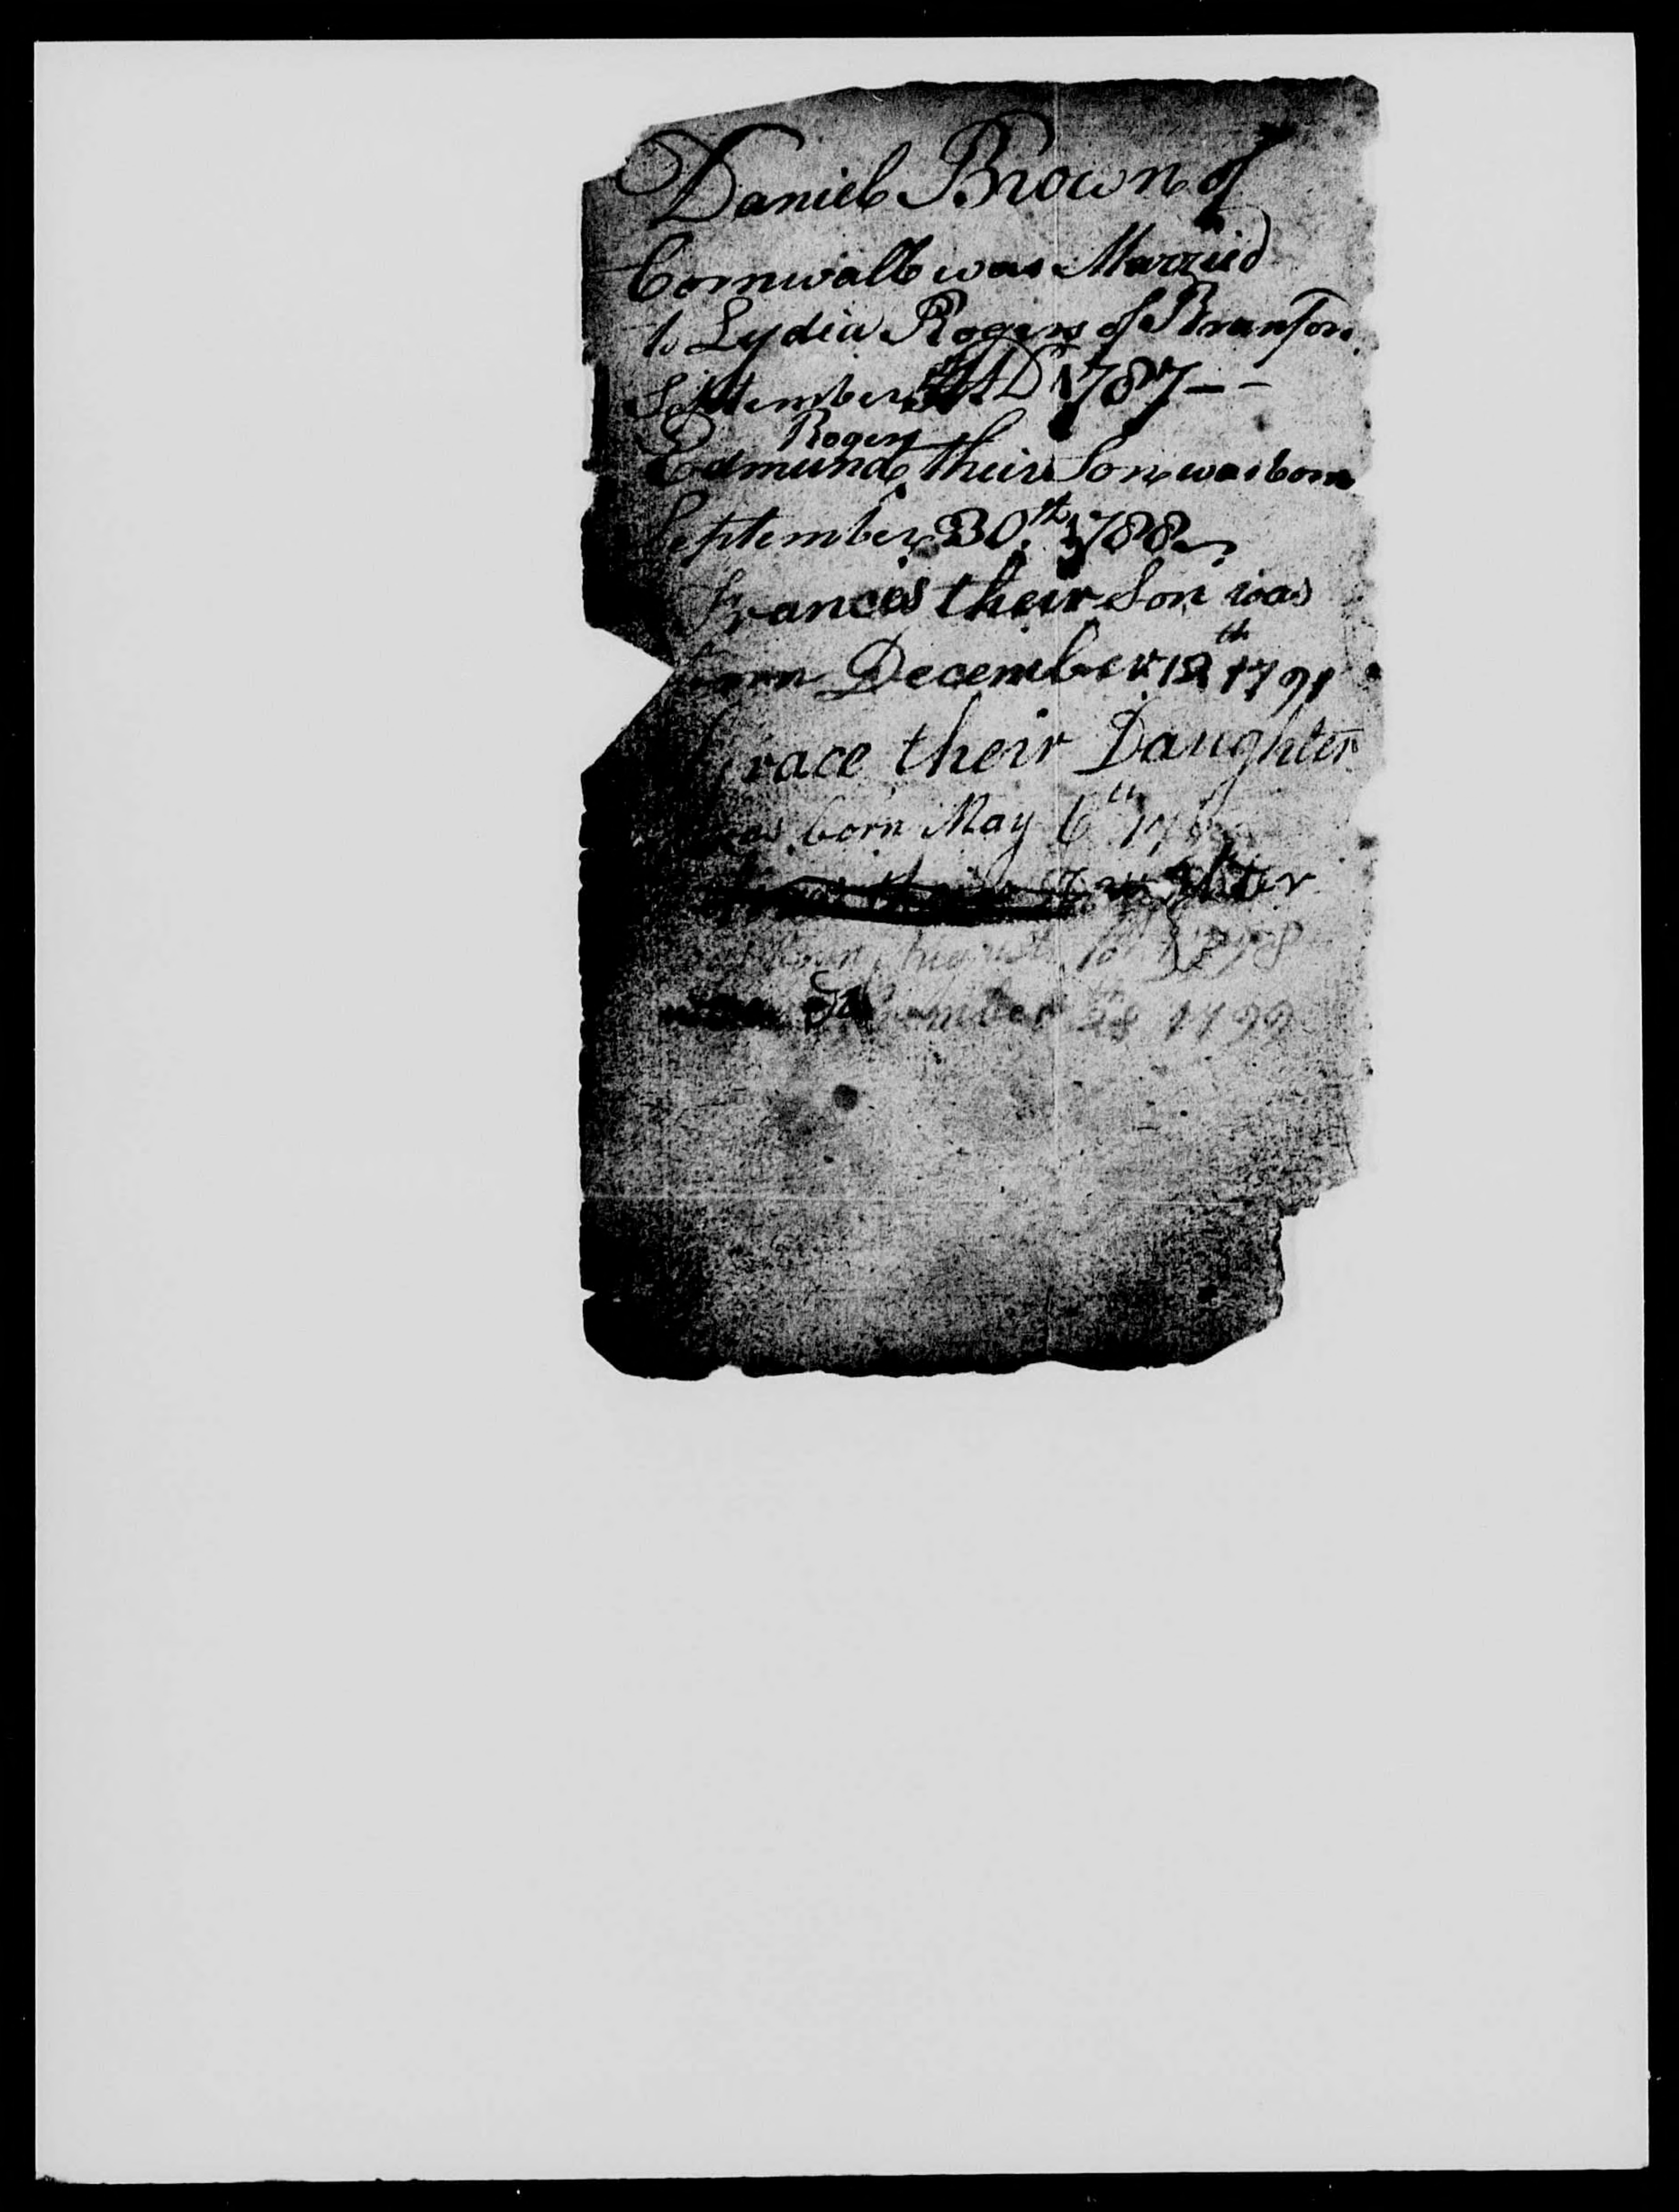Daniel Brown of Cornwall was married to Lydia Rogers of Branford September AD 1787-
Edmund Roger their son was born September 30th 1788
Francis their son was born December 19th 1791
Grace their daughter was born may 6th 17(illegible)
(illegible) 1798
(illegible) 28 1799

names: Daniel Brown, Lydia Rogers, Edmund Rogers, Francis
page: 12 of 37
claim: widow's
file: W. 20,787, Daniel Brown, Conn. Navy.